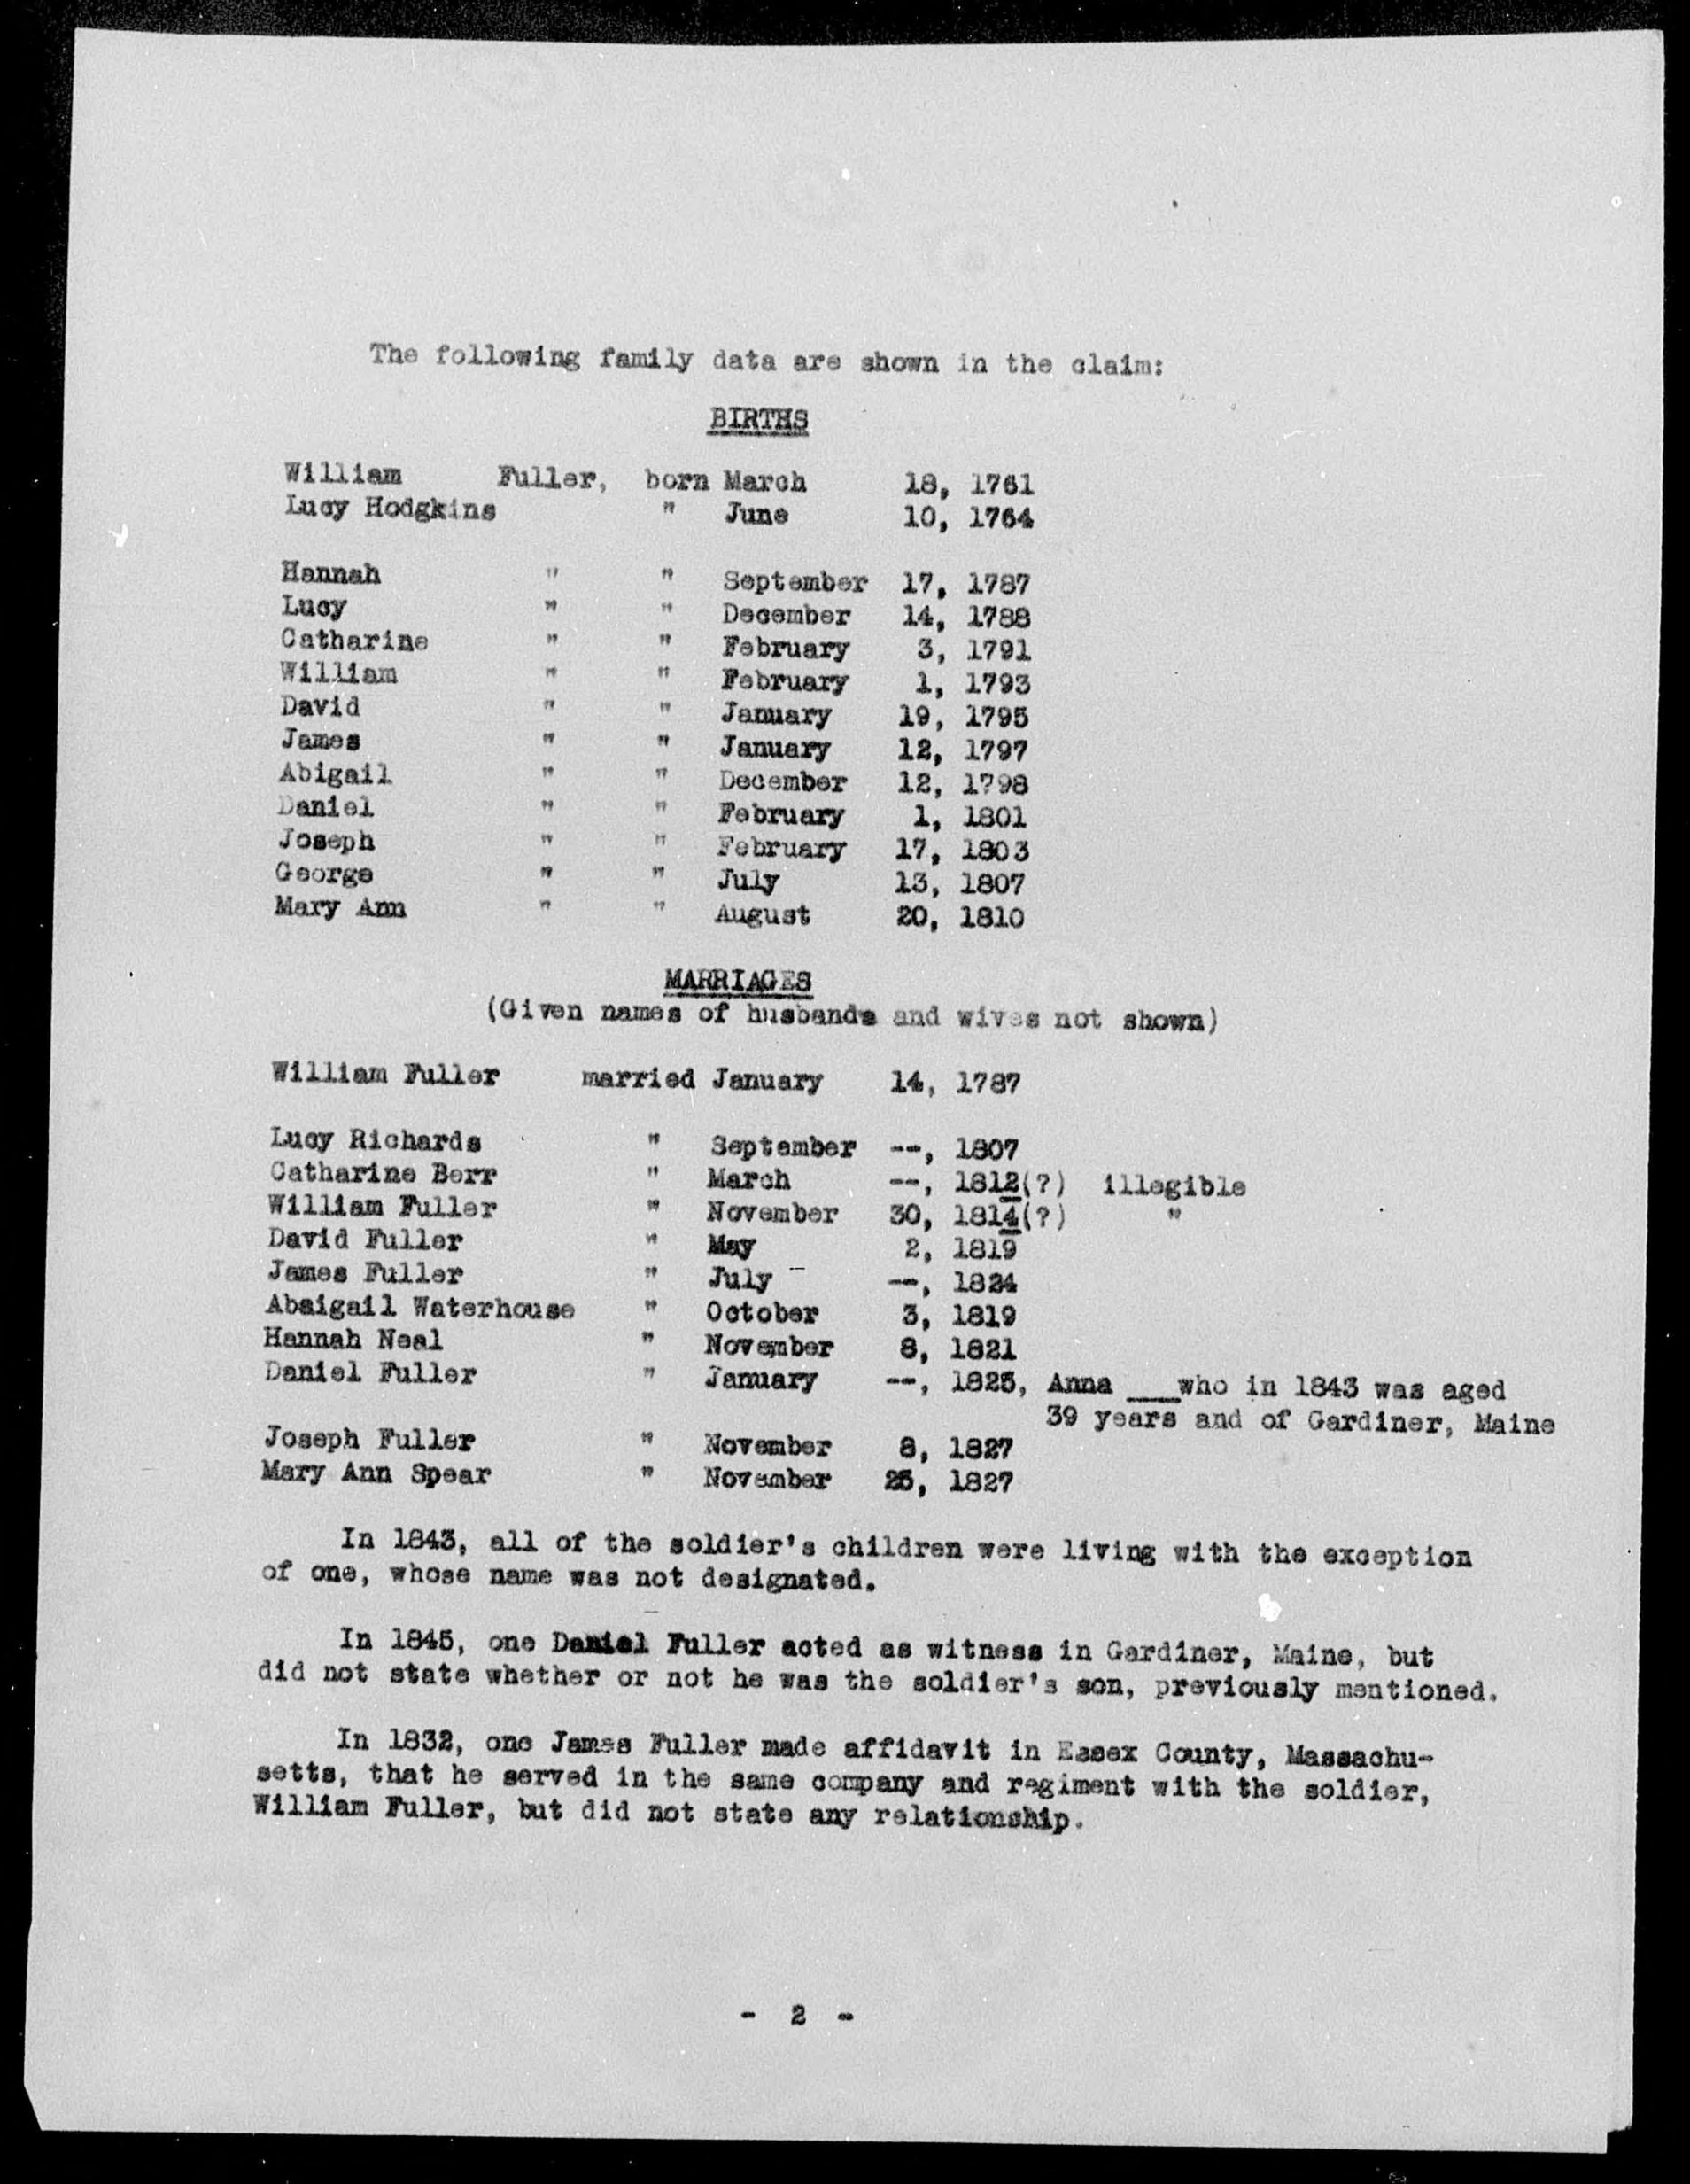The following family data are shown in the claim:

BIRTHS
William Fuller born March 18, 1761
Lucy Hodgkins  "  June 10, 1764
Hannah  "   "    September 17, 1787
Lucy  "   "    December 14, 1788
Catherine  "   "   February 3, 1791
William   "   "    February 1, 1793
David   "   "   January 19, 1795
James   "   "   January 12, 1797
Abigail   "   "   December 12, 1798
Daniel   "   "    February 1, 1801
Joseph   "    "   February 17, 1803
George   "   "   July 13, 1807
Mary Ann   "   "   August 20, 1810

MARRIAGES
(Given names of husbands and wives not shown)

William Fuller  married January 14th 1787
Lucy Richards   "   September --, 1807
Catherine Berr   "   March --, 181[underlined]2(?)  illegible
William Fuller   "   November 30, 181[underlined]4(?)   "
David Fuller   "   May 2, 1819
James Fuller   "   July --, 1824
Abigail Waterhouse   "   October 3, 1819
Hannah Neal   "   November 8, 1821
Daniel Fuller   "   January --, 1825,  Anna ___who in 1843 was aged 39 years and of Gardiner, Maine

Joseph Fuller   "   November 8, 1827
Mary Ann Spear   "   November 25, 1827

In 1843, all of the soldier's children were living with the exception of one, whose name was not designated.
In 1845, one Daniel Fuller acted as witness in Gardiner, Maine, but did not state whether or not he was the soldier’s son, previously mentioned.
In 1832, one James Fuller made affidavit in Essex County, Massachusetts, that he served in the same company and regiment with the soldier, William Fuller, but did not state any relationship.

-  2  -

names: Joseph Fuller, Lucy Richards, James Fuller, Daniel Fuller, Catharine Fuller, Lucy Fuller, Anna, Catharine Berr, Hannah Neal, William Fuller, Joseph Fuller, William Fuller, Daniel Fuller, William Fuller, James Fuller, Mary Ann Fuller, Lucy Hodgkins, Daniel Fuller, William Fuller, Hannah Fuller, David Fuller, George Fuller, Abaigail Waterhouse, William Fuller, James Fuller, Mary Ann Spear, Abigail Fuller, David Fuller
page: 18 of 45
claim: widow's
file: W. 17933, William Fuller, Mass